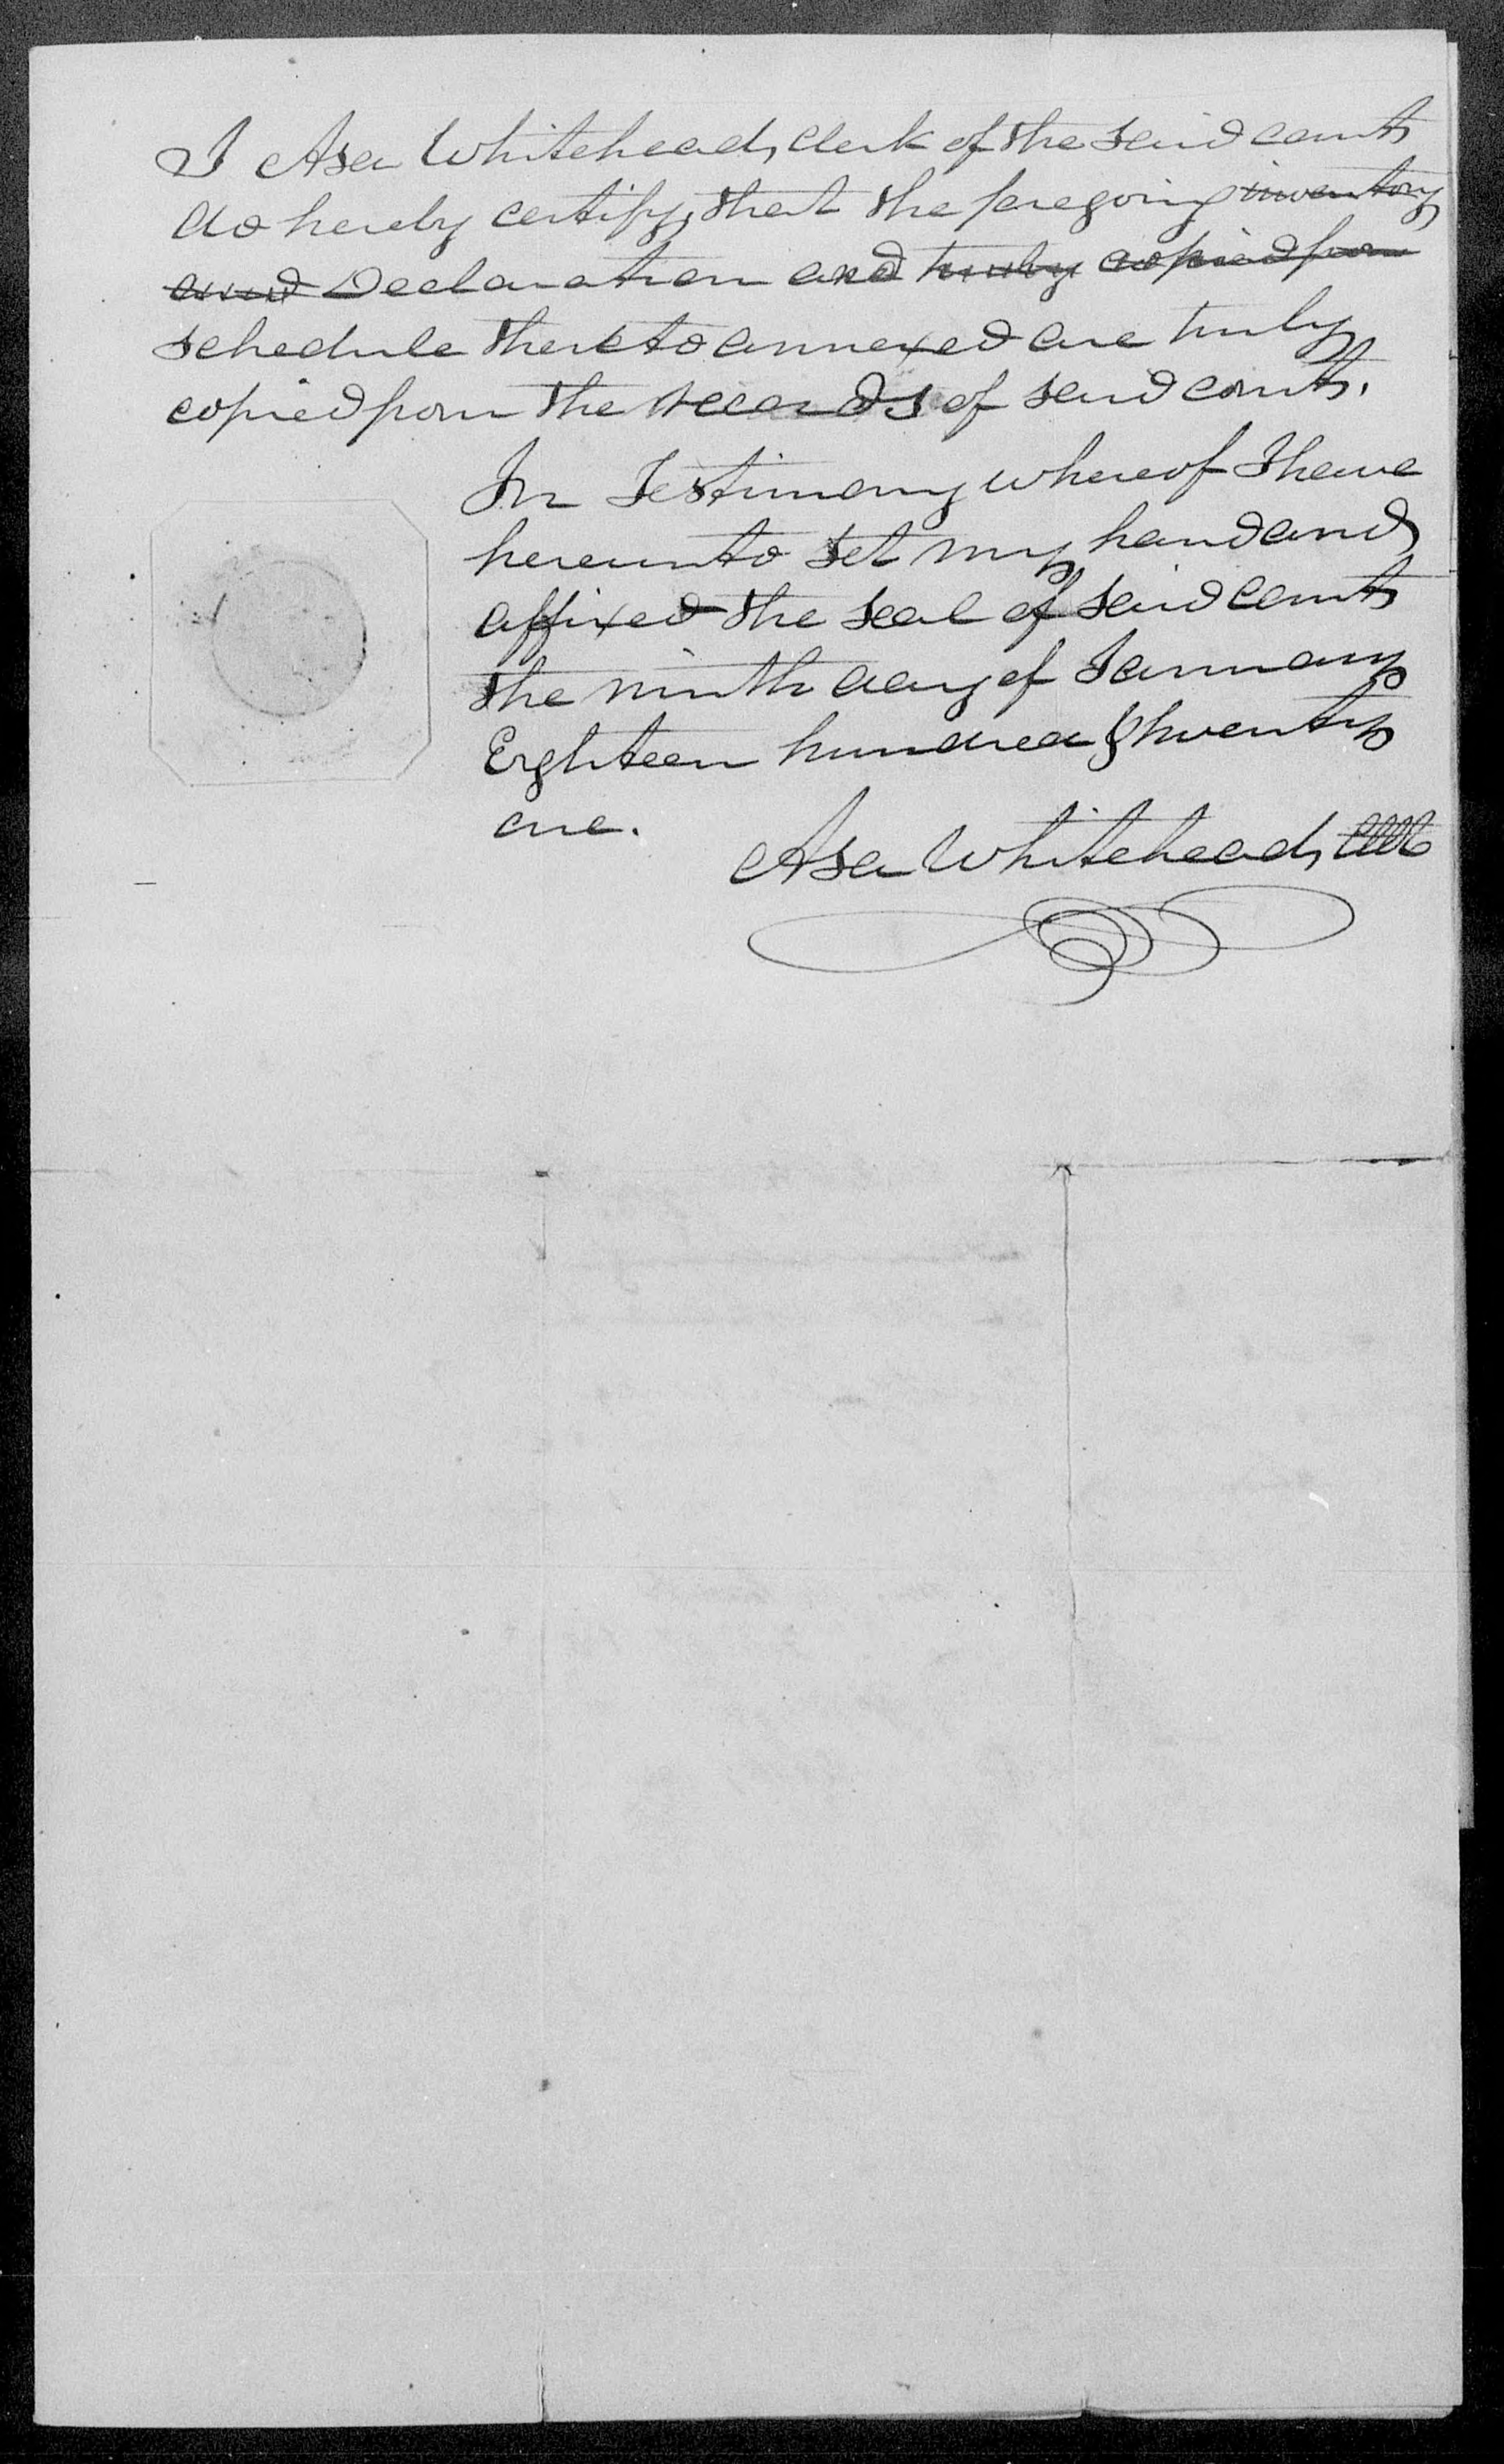I Asa Whitehead, clerk of the said court do hereby certify that the foregoing Declaration and schedule thereto annexed are truly copied from the records of the said courts.  
In testimony whereof I have hereunto set my hand and affixed the seal of said court the ninth day of January Eighteen hundred & seventy one. Asa Whitehead clerk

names: Asa Whitehead, Asa Whitehead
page: 12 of 52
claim: survivor's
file: S. 34172, Morris D Camp, Continental (New Jersey)